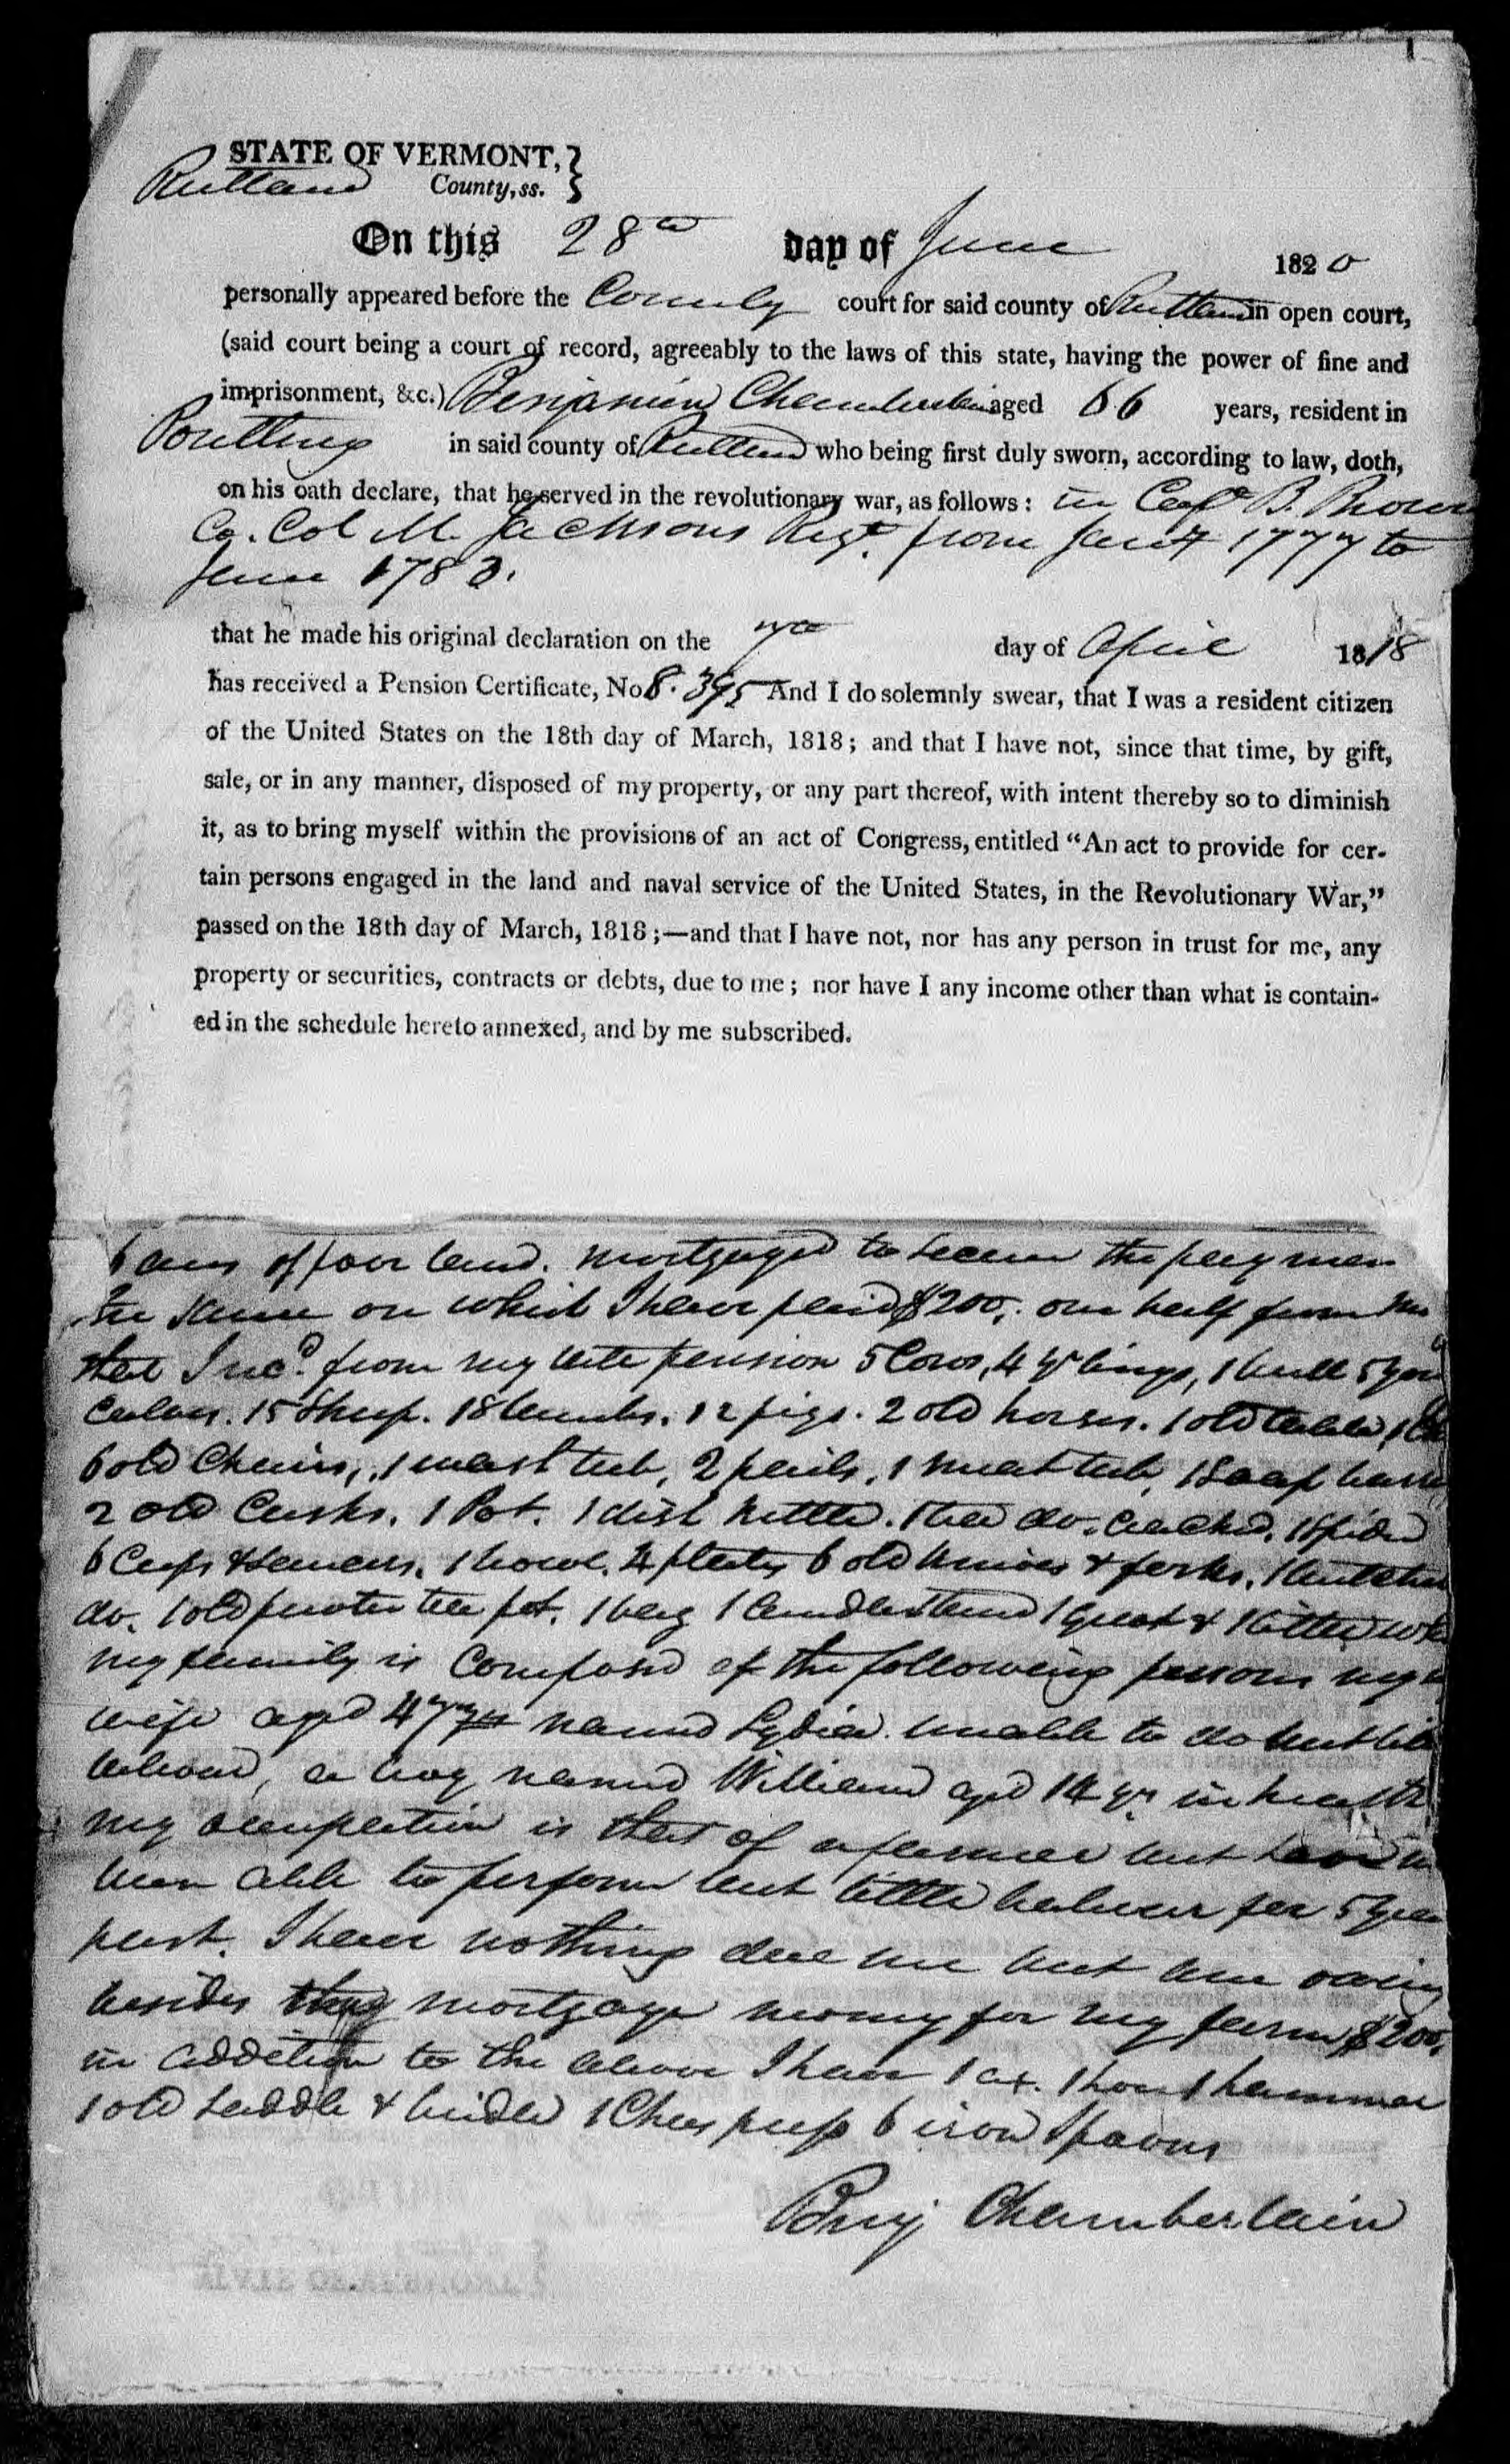State of Vermont, Rutland County, ss.}  On this 28th day of June 1820 personally appeared before the County court for said county of Rutland in open court, (said court being a court of records, agreeable to the laws of this state, having the power of fine and imprisonment, &c.) Benjamin Chamberlain aged 66 years, resident in Poultney in said county of Rutland who being first duly sworn, according to law, doth, on his oath declare, that he served in the revolutionary war, as follow: in Col. B. Brown Co. Col. M. Jackmans Regt. from Jan 7 1777 to June 1783.  that he made his original declaration on the 7th day of April 1818 has received a Pension Certificate, No. 8.395 And I do solemnly swear, that I was a resident citizen of the United Stated on the 18th day of March, 1818; and that I have not, since that time, by gift, sale, or in any manner, disposed of my property, or any part thereof, with intent thereby so to diminish it, as to bring myself within the provisions of an act of Congress, entitled "An act to provide for certain persons engaged in the land and naval service of the United States, in the Revolutionary War," passed on the 18th day of March, 1818; - and that I have not , nor has any person in trust for me, any property or securities, contracts or debts, due to me; nor have I any income other than what is contained in the schedule hereto annexed, and by me subscribed.

(illegible)  mortgaged to secure the payment the  (illegible) on which I have paid $200. one half from that I re'd from my late pension. 5 cows, 4 (illegible), 1 bull, 5 (illegible) 15 sheep. 18 lambs, 12 pigs, 2 old horses, 1 old table/(illegible). 6 old chairs, 1 pot. 1 dish kettle, (illegible). 1 spider. 6 cups & saucers, 1 bowl. 4 plates, 6 old knives & forks. 1 butter do. 1 old pewter tea pot. 1 (illegible) 1 candlestick 1 great & 1 little (illegible) my family is composed of the following persons my wife aged 47 yrs named Lydia. unable to do but little labour, a boy named William aged 14 yrs in health  my occupation is that of a farmer but have not been able to perform but little labour for 5 years past. I have nothing due me but (illegible) besides the mortgage money for my farm $200, in addition to the above I have 1 ax. 1 hand hammer 1 old saddle & bridle 1 (illegible) 6 iron spoons
Benj. Chamberlain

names: Benjamin Chamberlain, William, Benj Chamberlain, Lydia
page: 23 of 30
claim: survivor's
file: S. 39306, Benjamin Chamberlin, Mass.